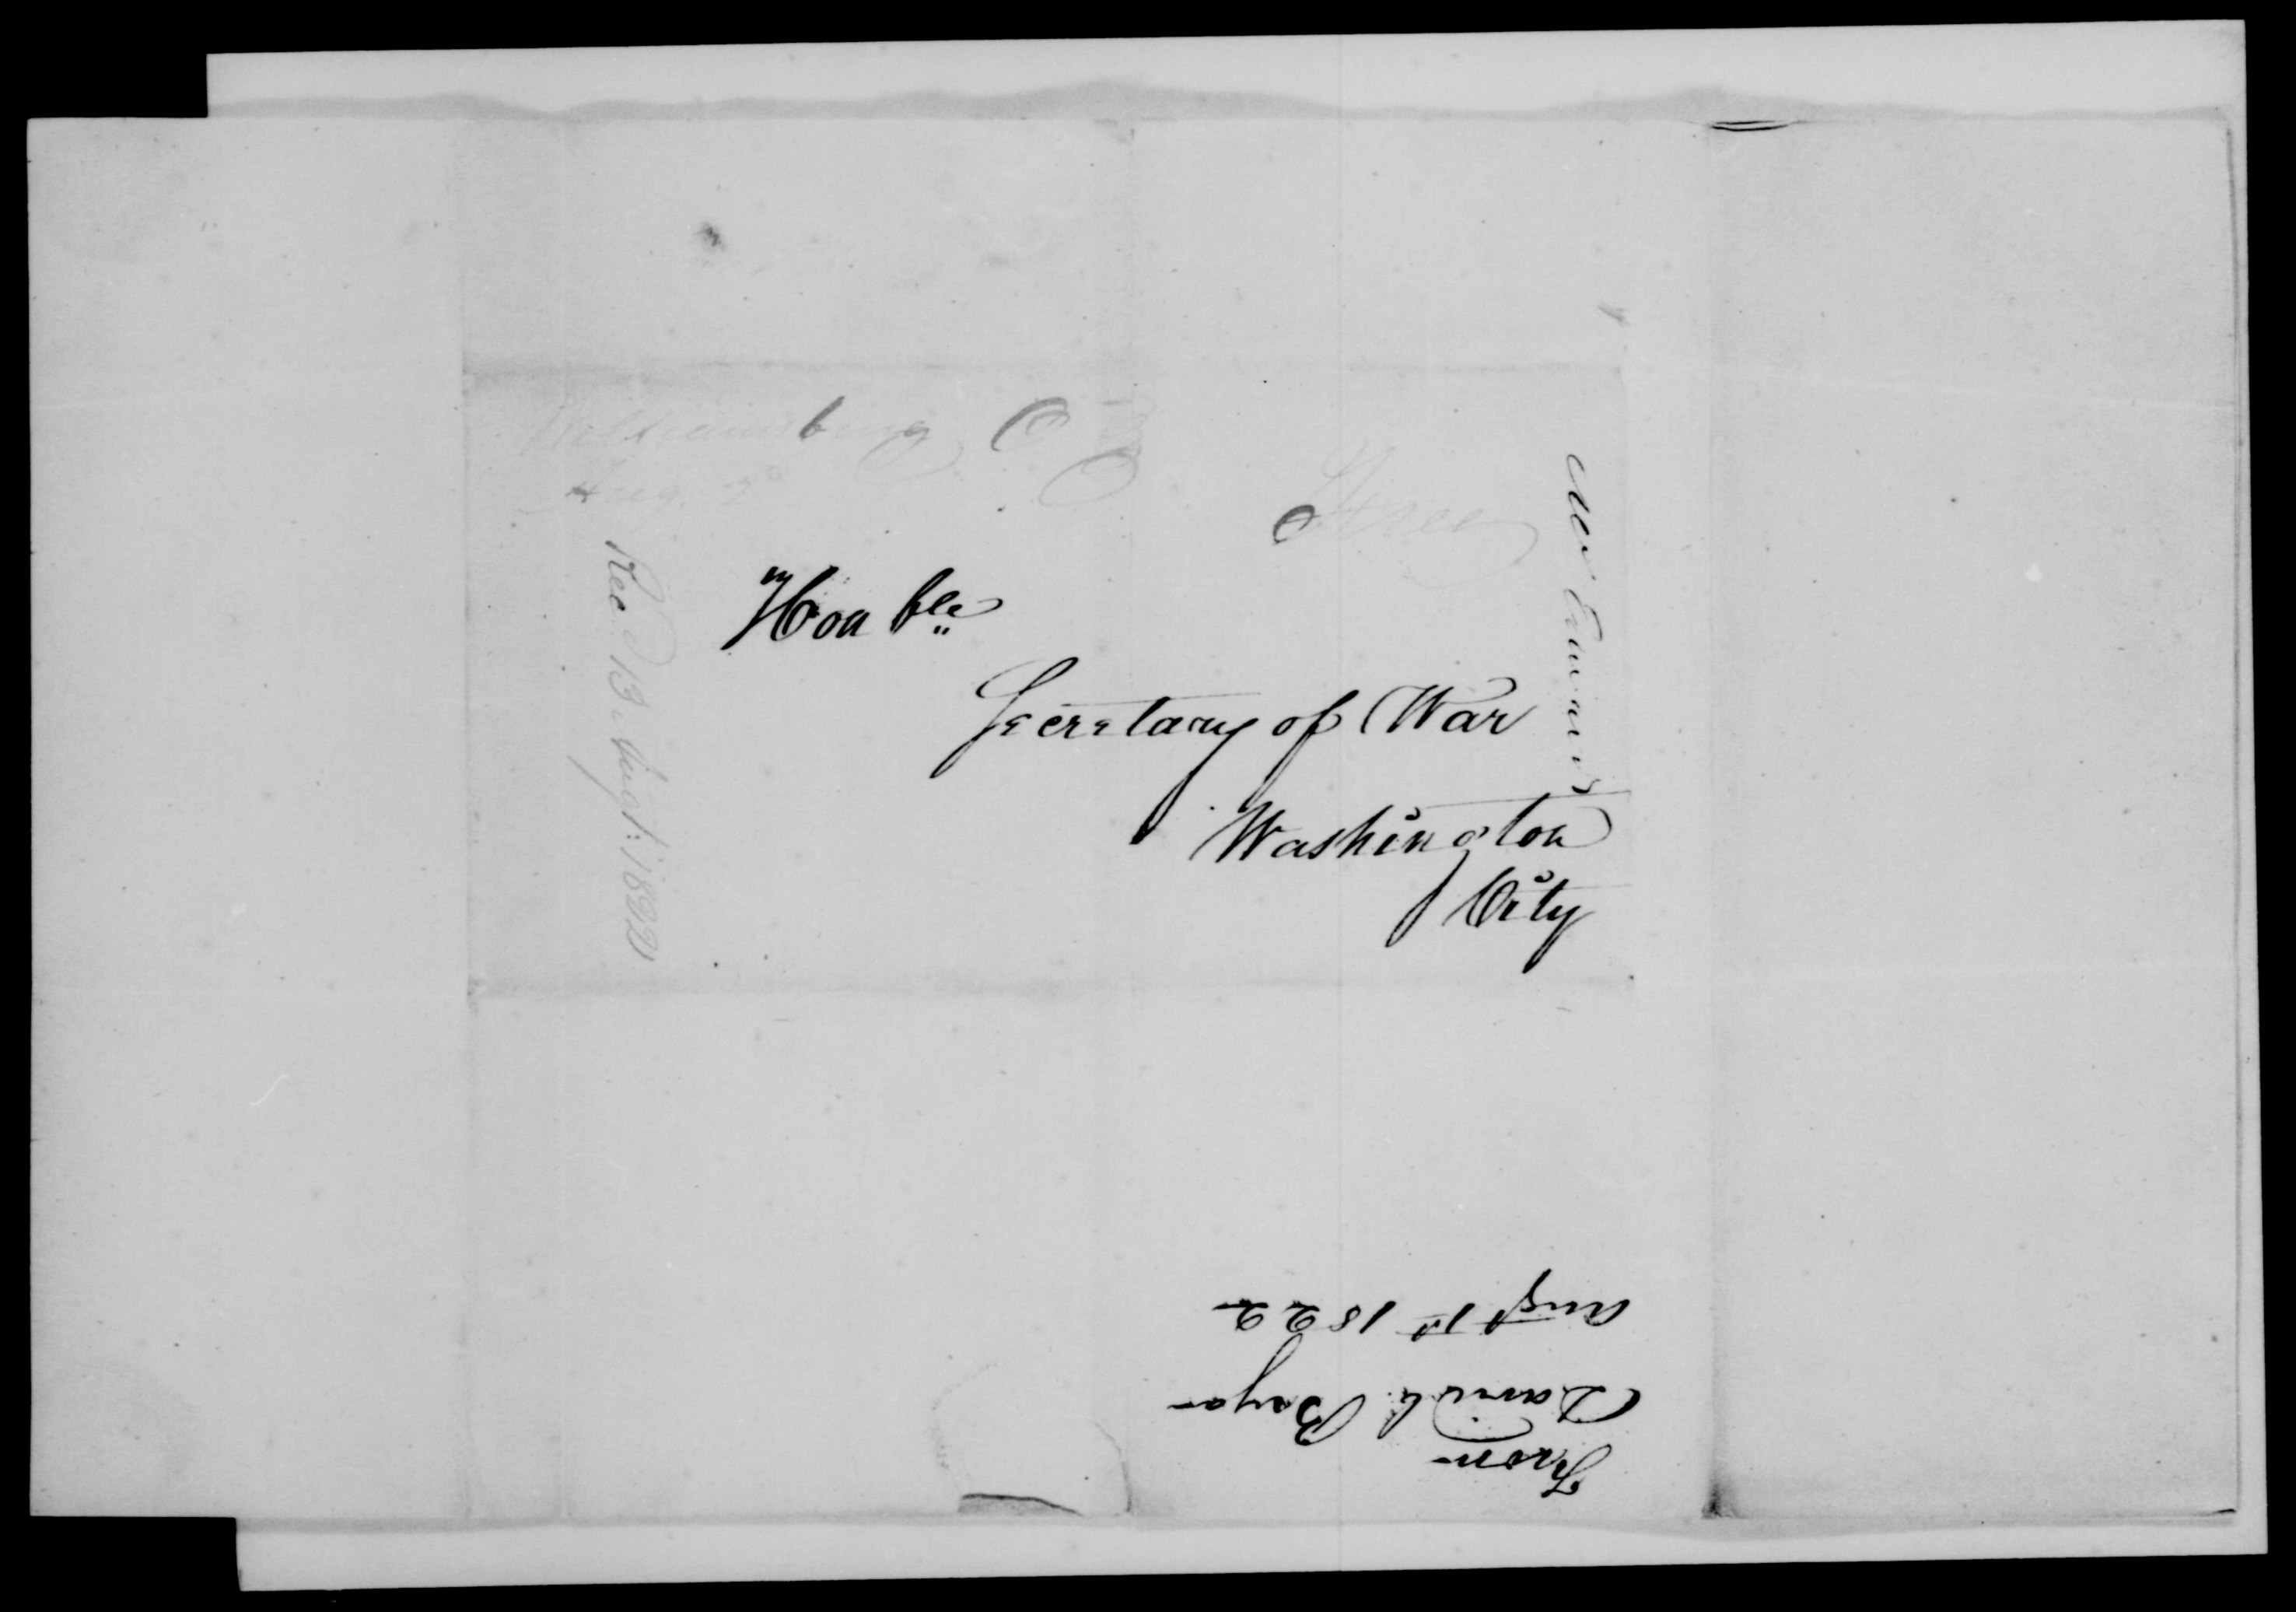Williambrugh O Free 
Honble Secretary of War Washington City 
Mr Edwards 
Recd 13. Augt 1822 
From Daniel C. Bryan Augt 1st 1822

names: David C Bryan; [BLANK] Edwards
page: 47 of 66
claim: survivor's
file: S 40458, for Obadiah Smith, New York